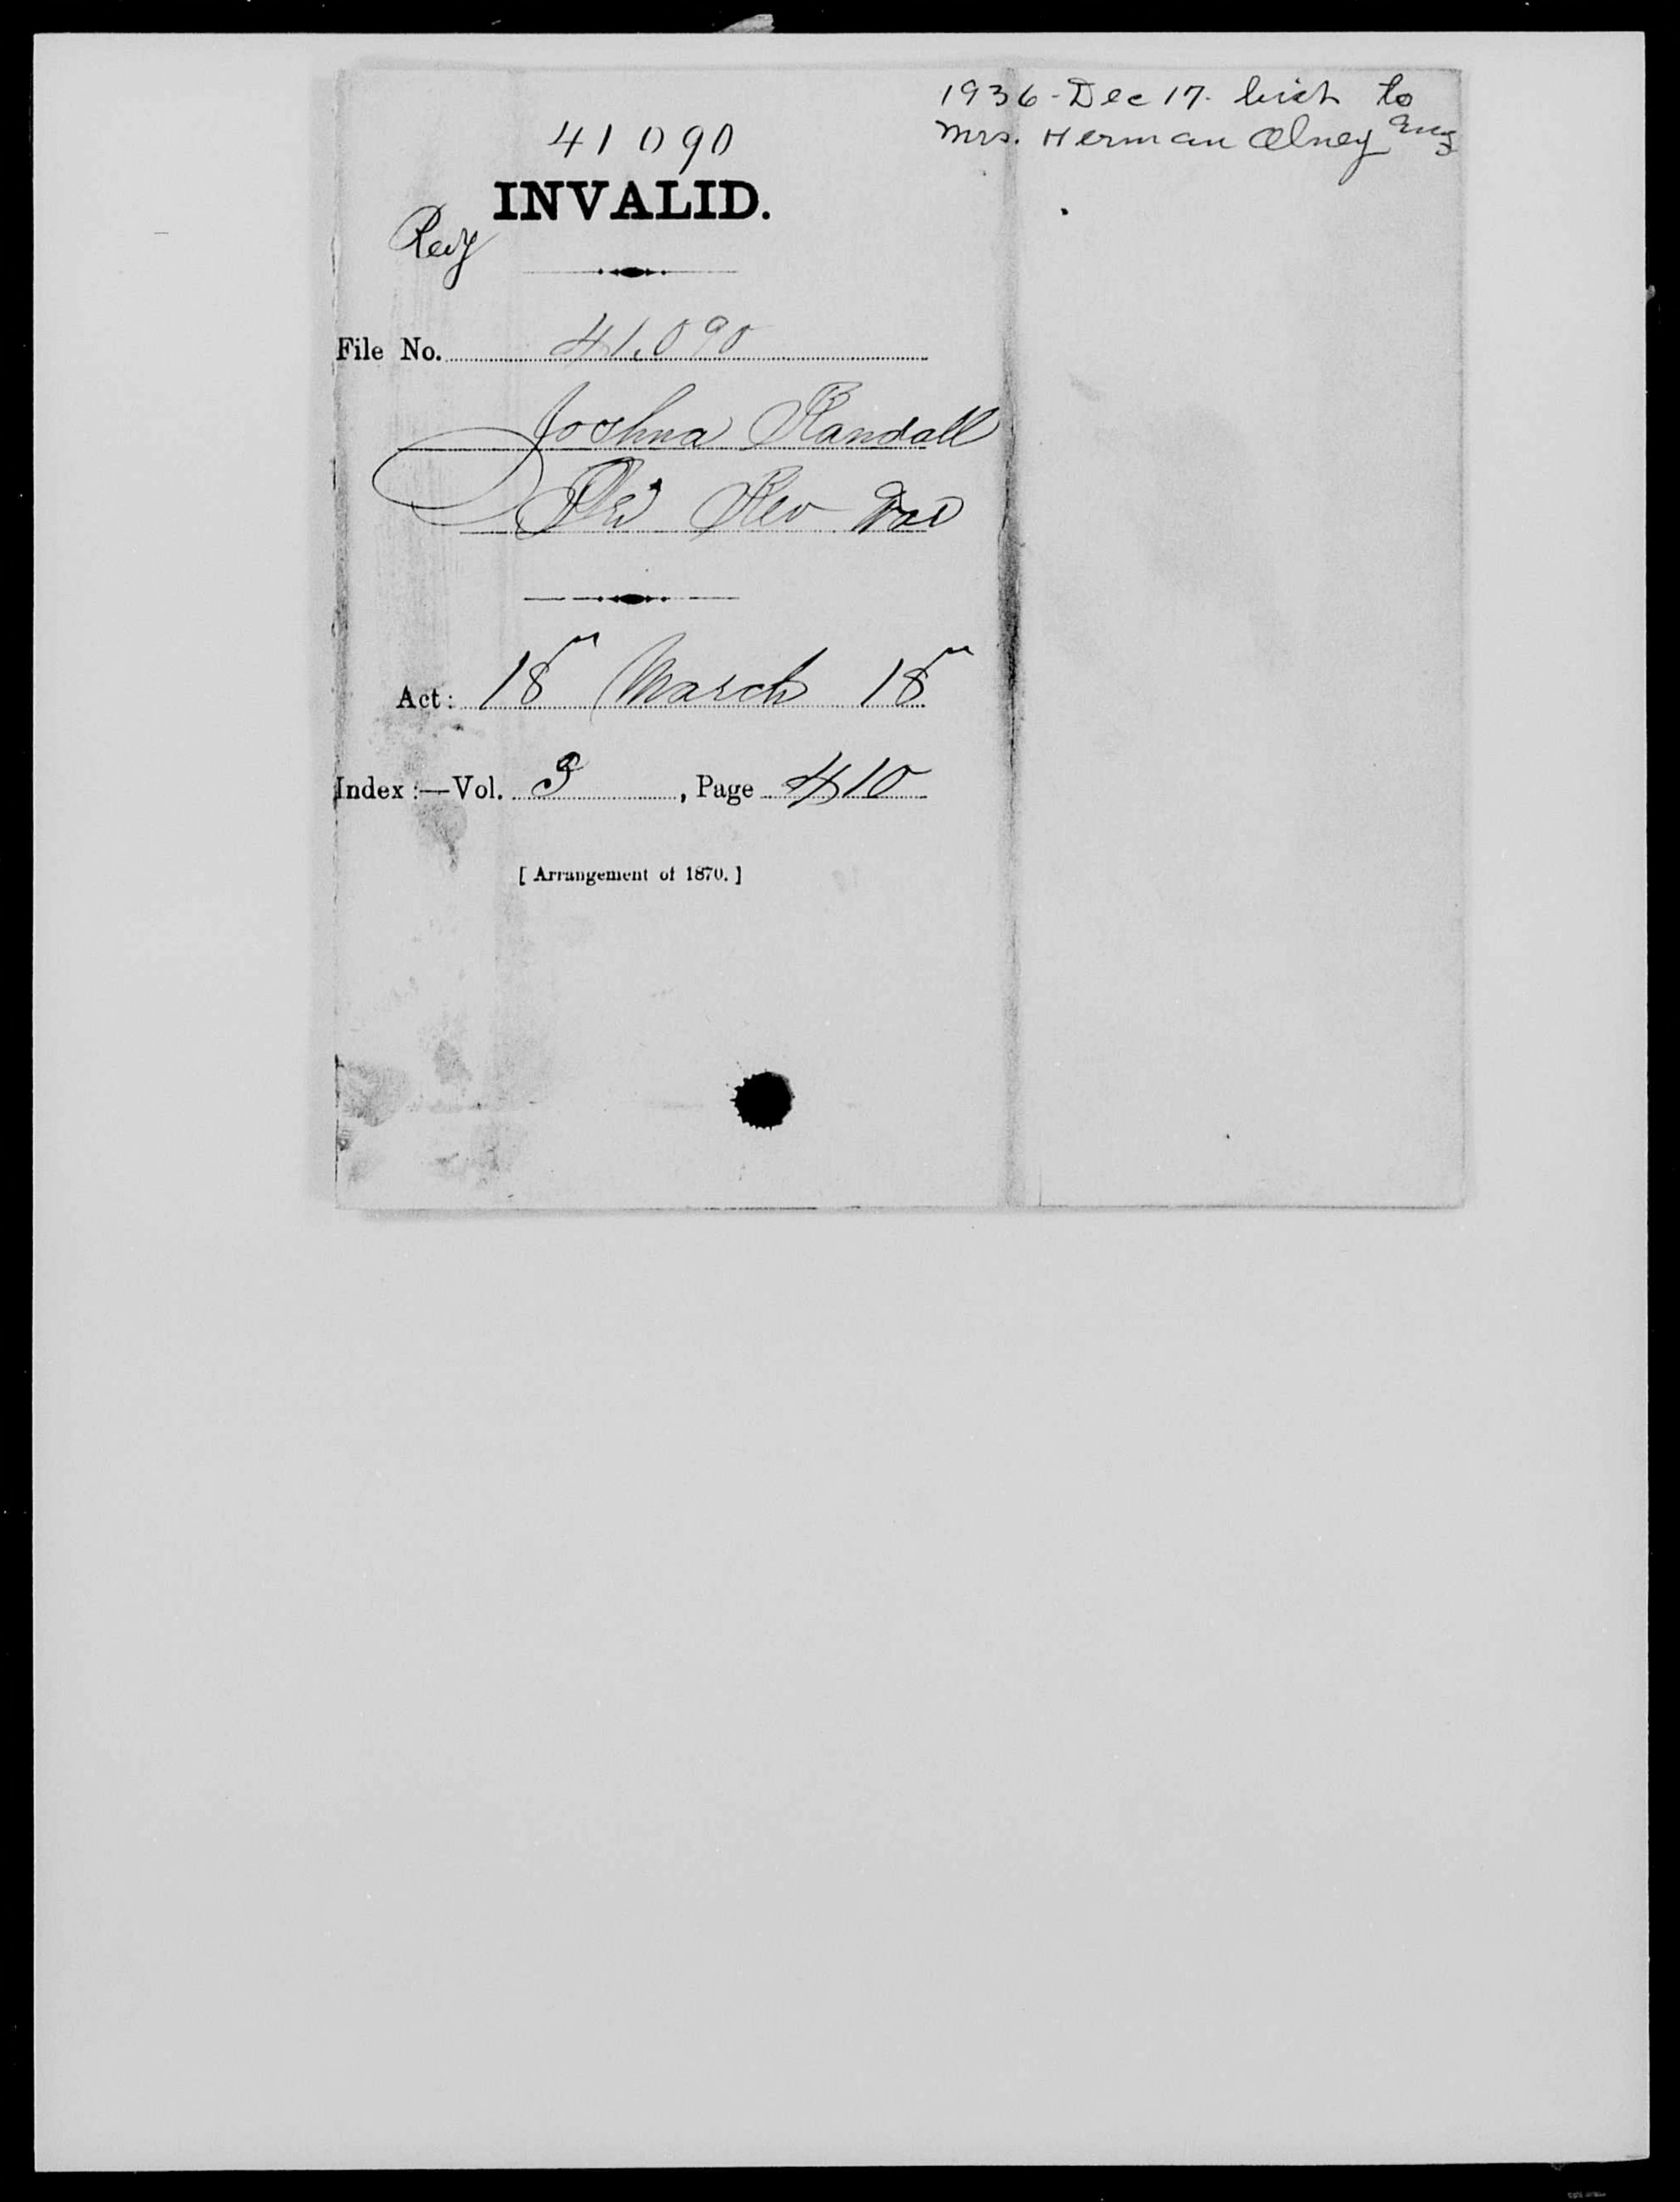41090
INVALID.
Revy
File No. 41.090

Joshua Randall
Pri Rev War
Act 18 March 18
Index: Vol. 3, Page 410
(Arrangement of 1870.)


1936 - Dec 17 Hist to
Mrs Herman Olney AWD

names: Joshua Randall; Herman Olney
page: 7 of 20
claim: survivor's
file: S. 41,090, for Joshua Randall, Massachusetts